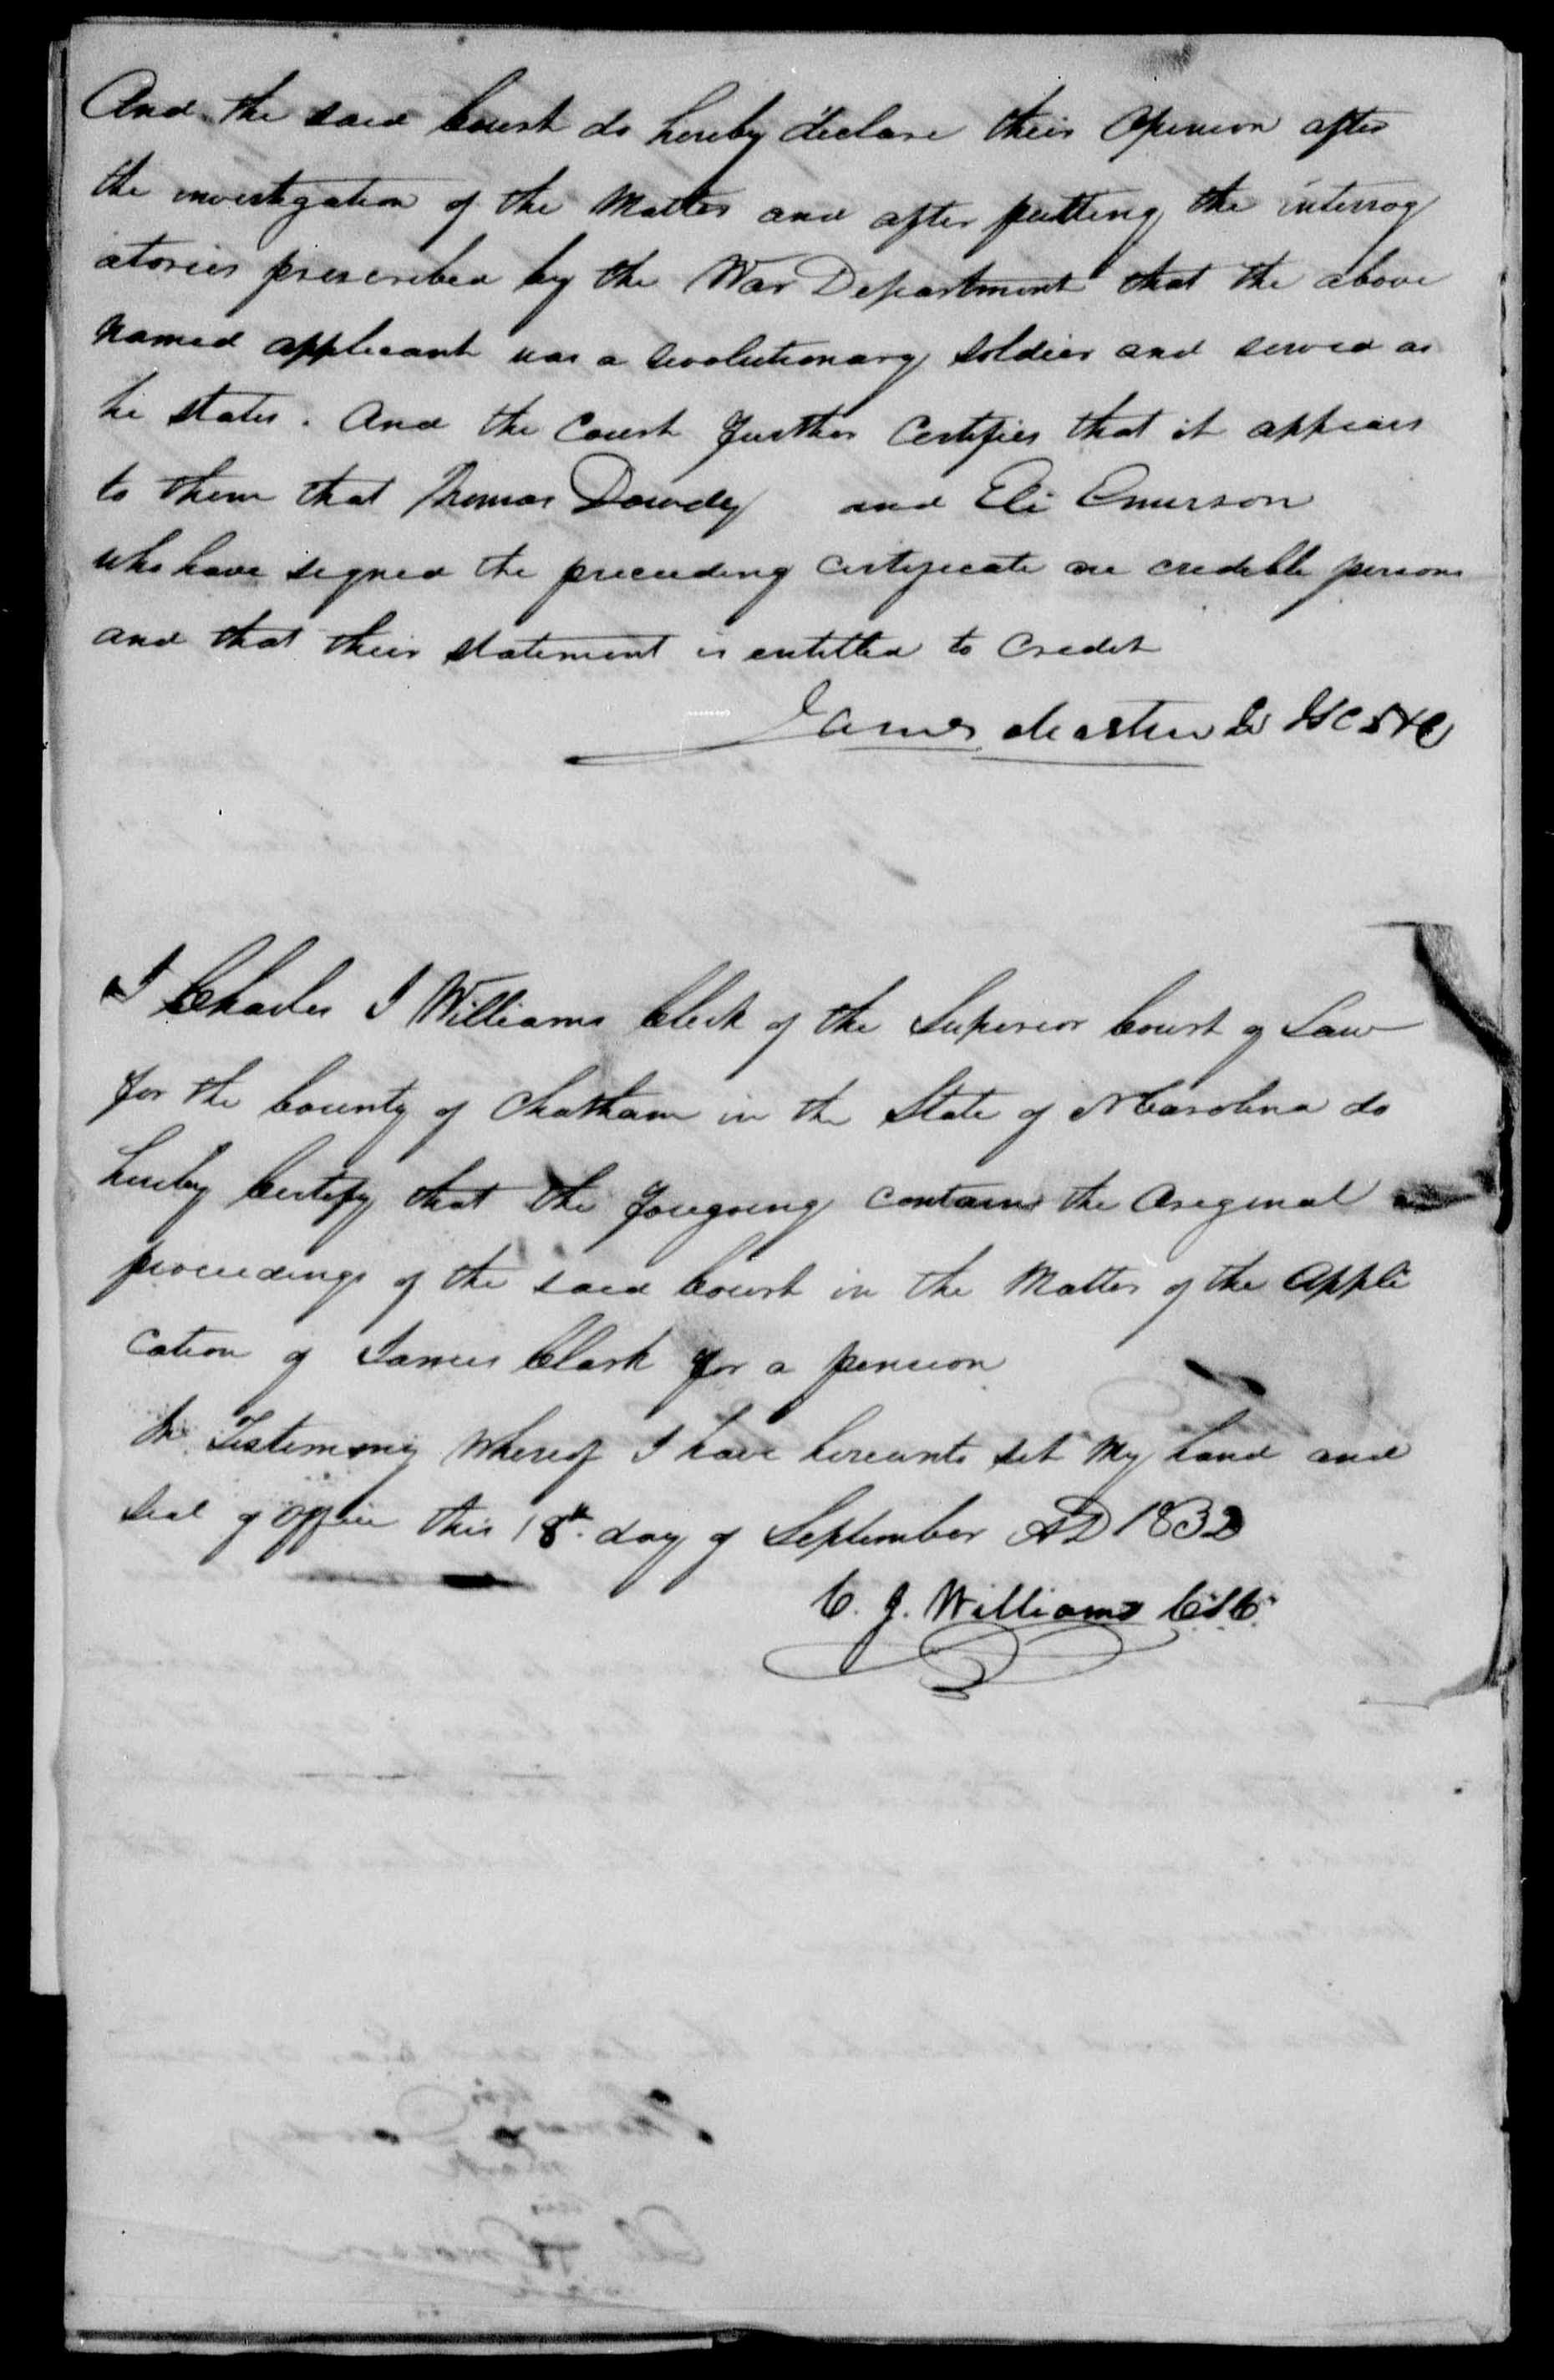And the said Court do hereby declare this Opinion after
the investigation of the matter and after putting the interrogatories
prescribed by the War Department the above
named applicant was a Revolutionary Soldier, and served as 
he states. And the court further Certifies that it appears
to them that Thomas Dowdy and Eli Emerson 
who have signed the preceeding [preceding]certificate are credible persons
and that their statement is entitled to credit 
James Martin SGCS &C

I Chader J Williams Clerk of the Superior Court of Law
for the County of Chatham in the State of N Carolina do
hereby Certify that the foregoing contain the Original
proceedings of the said Court in the matter of the application
of James Clark for a pension

In Testimony whereof I have hereunto set my hand and
Seal of office this 18th day of September A.D.  1832

C.J. Williams CSC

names: C J Williams, Williams, James Clark, James Martin, Thomas Dowdy, Eli Emerson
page: 8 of 16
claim: survivor's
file: S. 8207, James Clark, N.C.